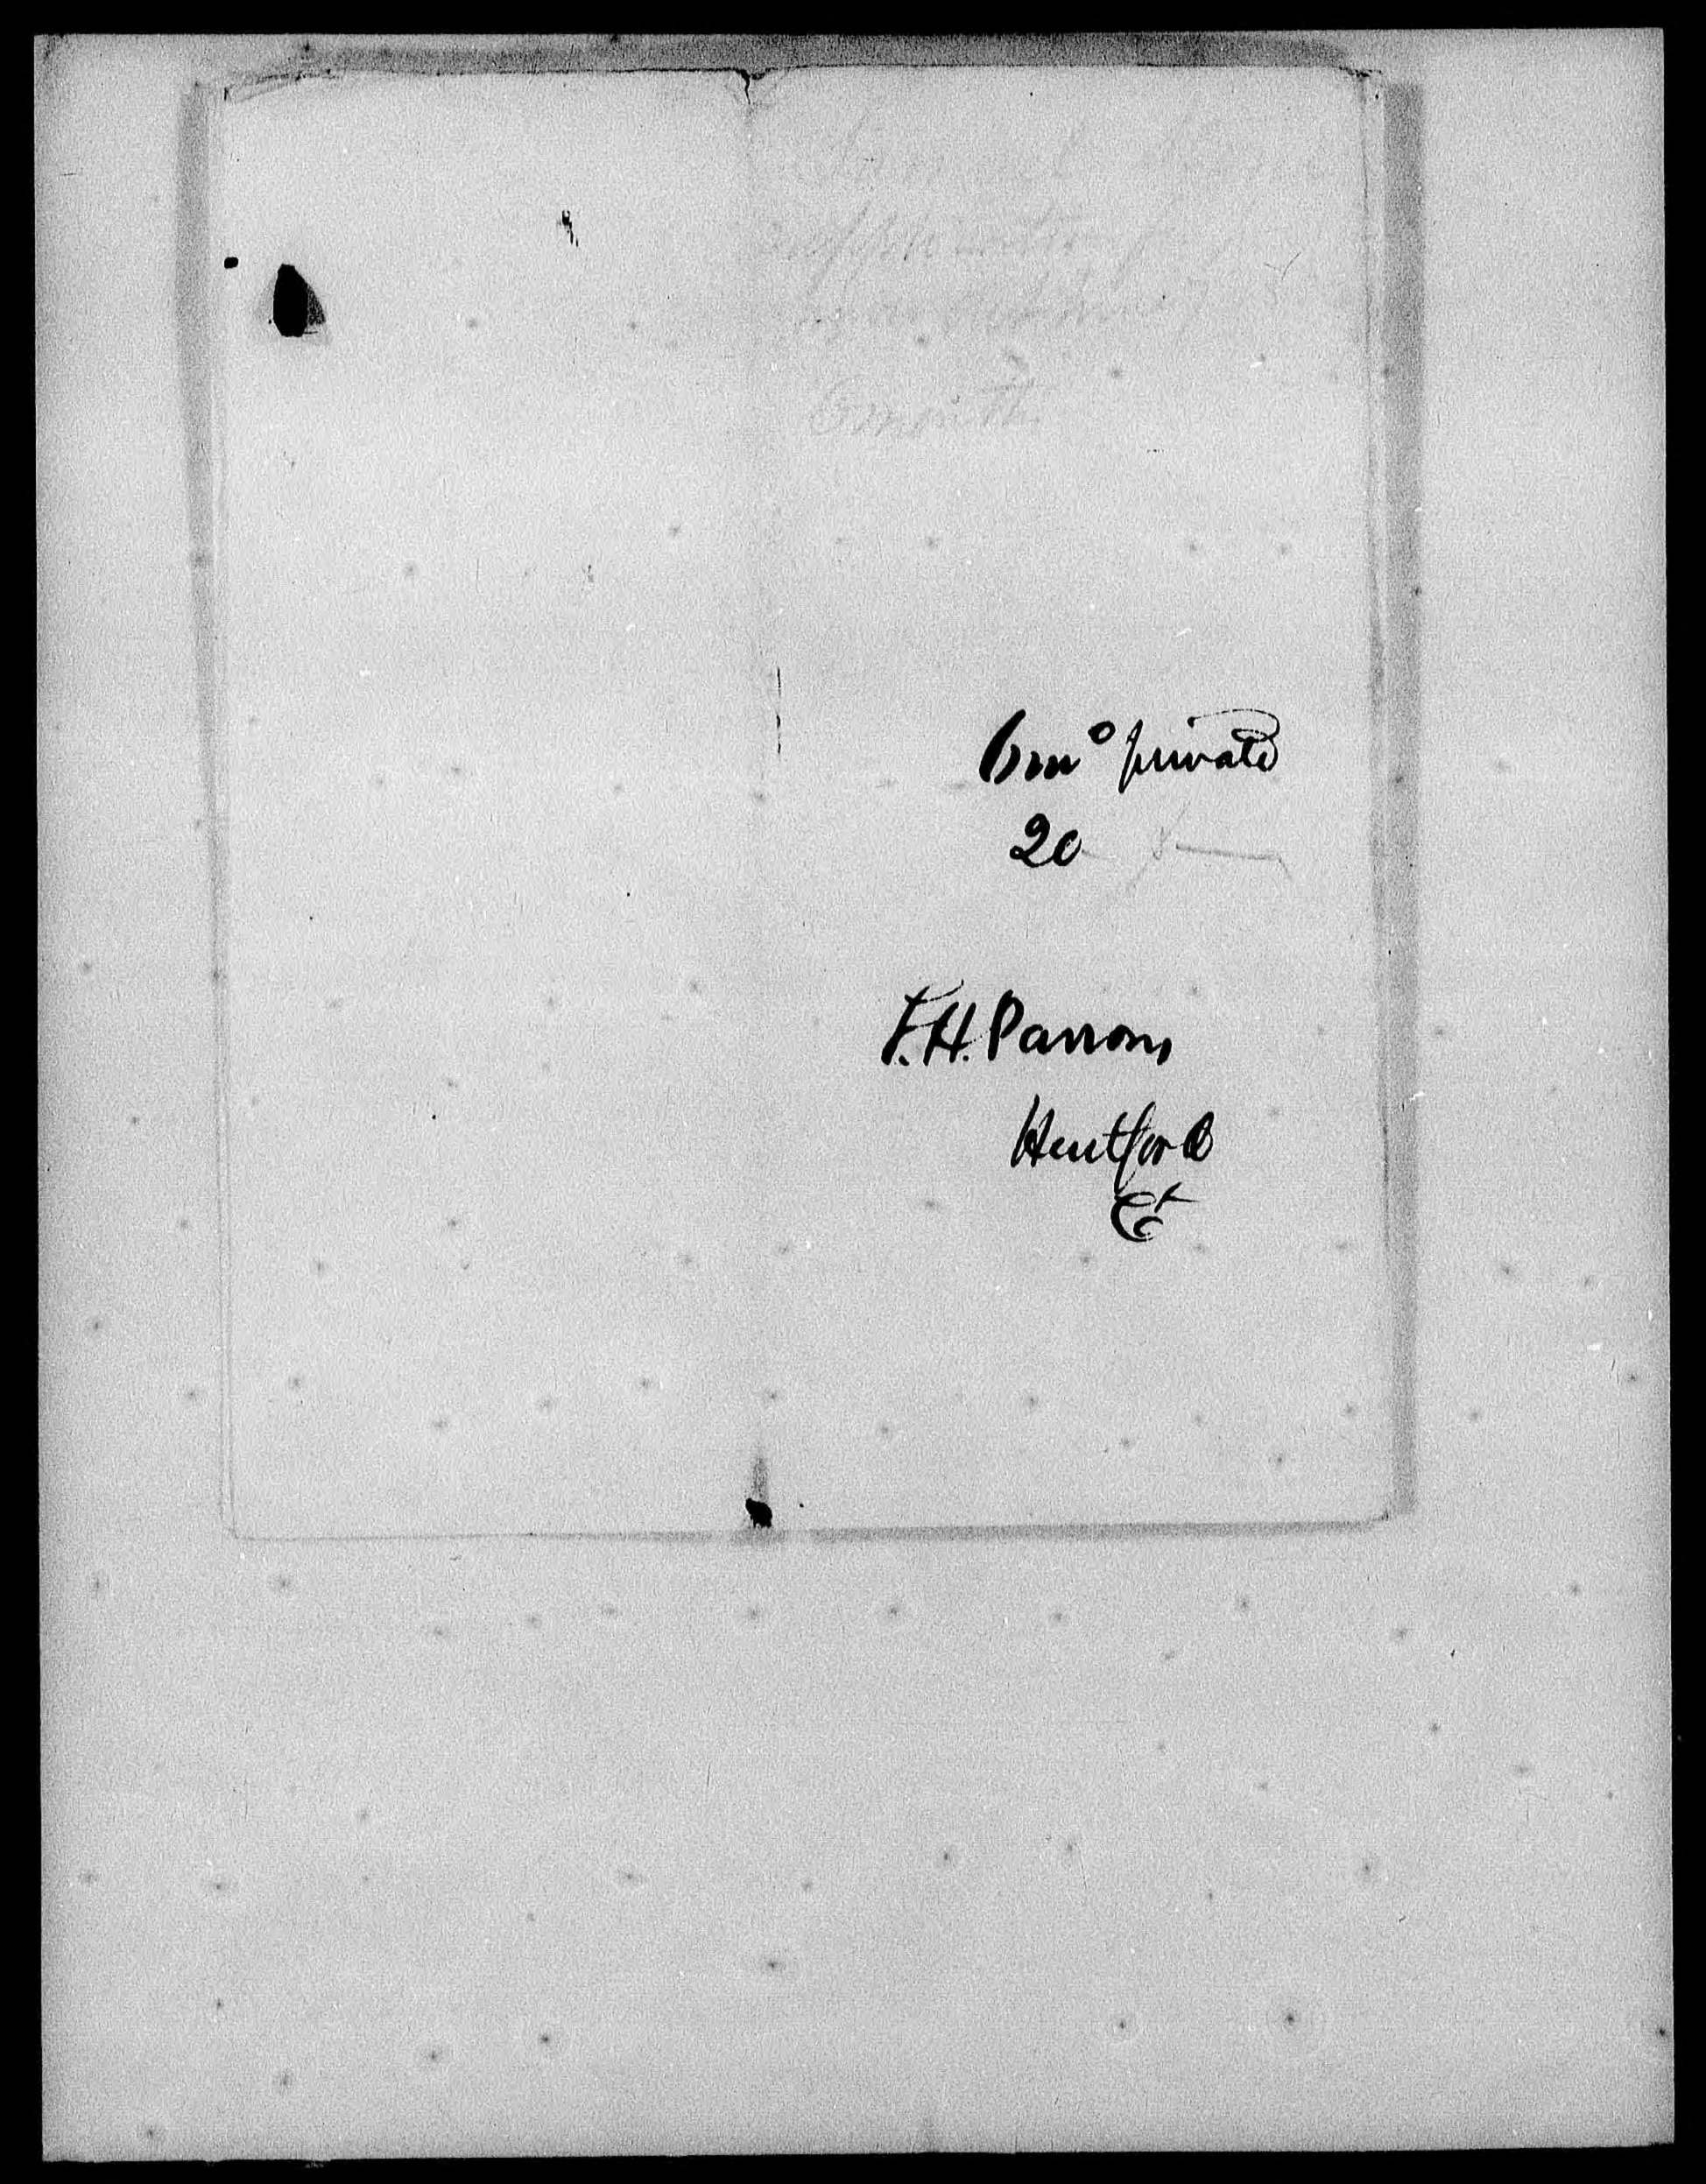[illegible] private
20
F. H. Parsons
Hartford
Ct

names: Samuel Stone; S H Parsons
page: 10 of 10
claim: survivor's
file: S. 17,708, for Samuel Stone, Connecticut